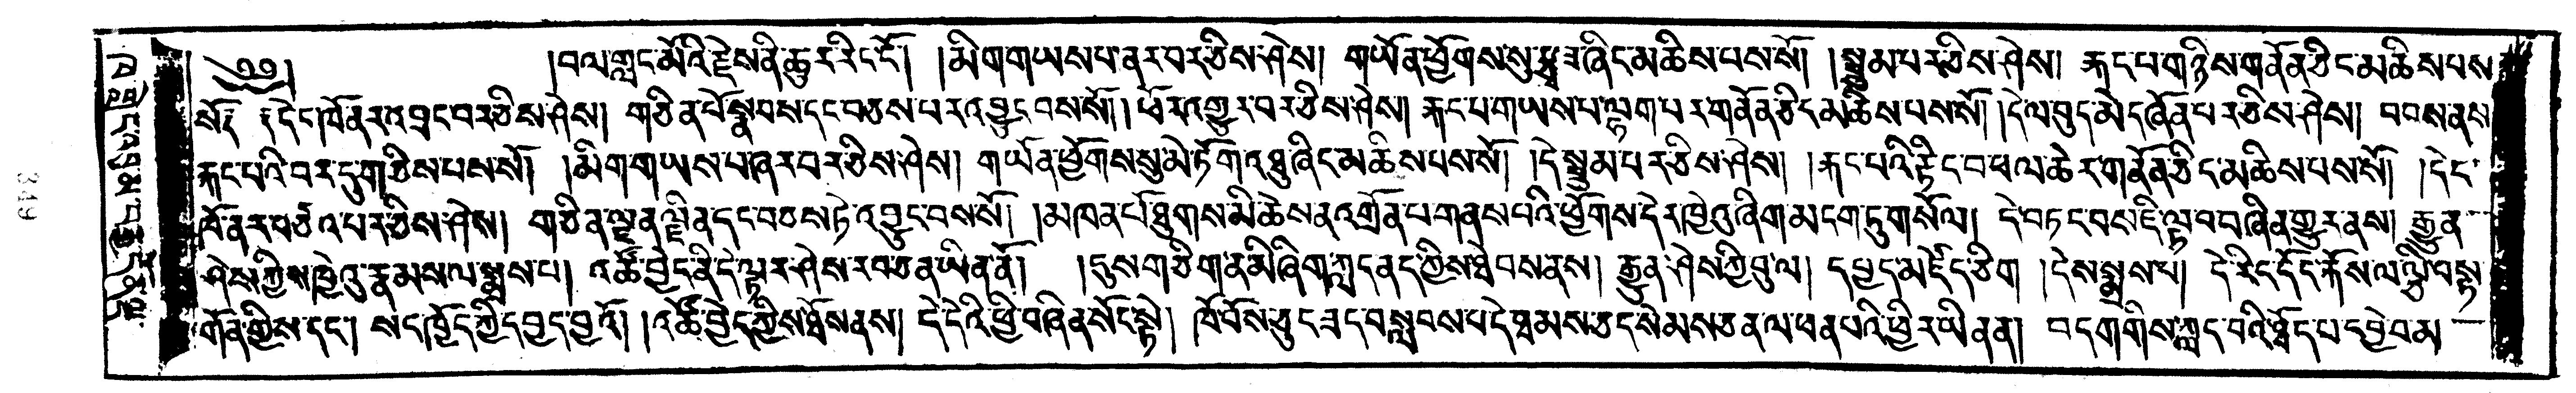༄༅། །བལ་གླང་མོའི་རྗེས་ནི་ཆུར་རིང་ངོ། །མིག་གཡས་པ་ནར་བར་ཅིས་ཤེས། གཡོན་ཕྱོགས་སུ་རྩྭ་ཟ་ཞིང་མཆིས་པས་སོ། །སྦྲུམ་པར་ཅིས་ཤེས། རྐང་པ་གཉིས་གནོན་ཅིང་མཆིས་པས་
སོ༑ ༑དེང་ཁོ་ནར་འབྲང་བར་ཅིས་ཤེས། གཅིན་པོ་སྣབས་དང་བཅས་པར་འབྱུང་བས་སོ། །ཕོར་འགྱུར་བར་ཅིས་ཤེས། རྐང་པ་གཡས་པ་ལྷག་པར་གནོན་ཅིང་མཆིས་པས་སོ། །དེ་ལ་བུད་མེད་ཞོན་པར་ཅིས་ཤེས། བབས་ནས་
རྐང་བའི་བར་དུ་གཅིས་པས་སོ། །མིག་གཡས་པ་ཞར་བར་ཅིས་ཤེས། གཡོན་ཕྱོགས་སུ་མེ་ཏོག་འཐུ་ཞིང་མཆིས་པས་སོ། །དེ་སྦྲུམ་པར་ཅིས་ཤེས། །རྐང་པའི་རྟིང་བ་ཕལ་ཆེར་གནོན་ཅིང་མཆིས་པས་སོ། །དེང་
ཁོ་ནར་བཙའ་བར་ཅིས་ཤེས། གཅིན་ལྗན་ལྗིན་དང་བཅས་ཏེ་འབྱུང་བས་སོ། །མཁན་པོ་ཐུགས་མི་ཆེས་ན་འགྲོན་པ་གནས་པའི་ཕྱོགས་དེར་ཁྱེའུ་ཞིག་མངག་ཏུ་གསོལ། དེ་བཏང་བས་ཇི་ལྟ་བ་བཞིན་གྱུར་ནས། རྒྱུན་
ཤེས་ཀྱིས་ཁྱེའུ་རྣམས་ལ་སྨྲས་པ། འཚོ་བྱེད་ནི་དེ་ལྟར་ཤེས་རབ་ཅན་ཡིན་ནོ། །དུས་གཅིག་ན་མི་ཞིག་ཀླད་ནད་ཀྱིས་ཐེབས་ནས། རྒྱུན་ཤེས་ཀྱི་བུ་ལ། དཔྱད་མཛེད་ཅིག །དེས་སྨྲས་པ། དེ་རིང་དོང་རྐོས་ལ་ལྕི་བསྟ་
གོན་གྱིས་དང་། སང་ཁྱོད་ཀྱི་དབྱད་བྱའོ། །འཚོ་བྱེད་ཀྱིས་ཐོས་ནས། དེ་དེའི་ཕྱི་བཞིན་སོང་སྟེ། ཁོ་བོས་ཅུང་ཟད་བསླབས་པ་དེ་ཐམས་ཅད་སེམས་ཅན་ལ་ཕན་པའི་ཕྱིར་ཡིན་ན། བདག་གིས་ཀླད་བའི་ཐོད་པ་དབྱེ་བ་མ་